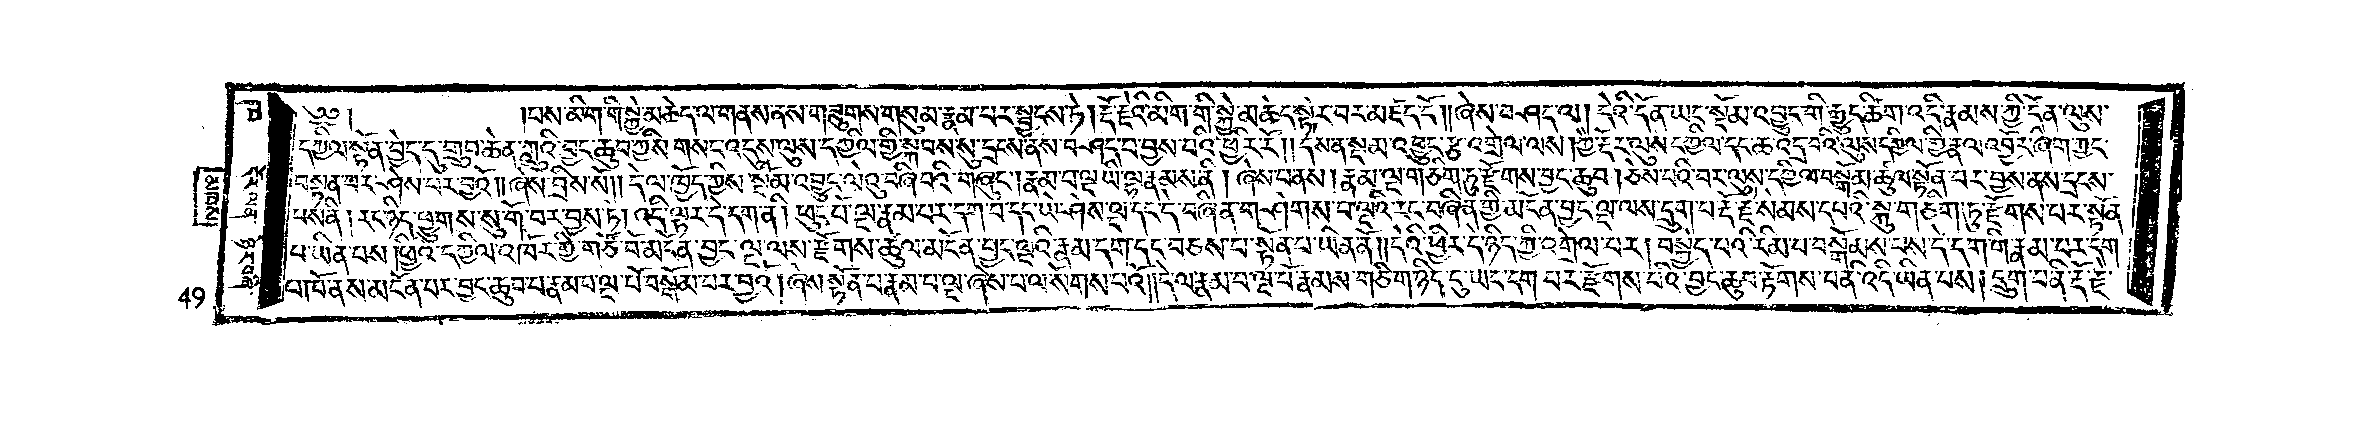༄༅། །པས་མིག་གི་སྐྱེ་མཆེད་ལ་གནས་ནས་གཟུགས་གསུམ་རྣམ་པར་སྦྱང་ཏེ། རྡོ་རྗེའི་མིག་གི་སྐྱེ་མཆེད་སྟེར་བར་མཛད་དོ། །ཞེས་བཤད་ལ། དེའི་དོན་ཡང་སྡོམ་འབྱུང་གི་རྒྱུད་ཚིག་འདི་རྣམས་ཀྱི་དོན་ལུས་
དཀྱིལ་སྟོན་བྱེད་དུ་གྲུབ་ཆེན་ཀླུའི་བྱང་ཆུབ་ཀྱིས་གསང་འདུས་ལུས་དཀྱིལ་གྱི་སྐབས་སུ་དྲངས་ནས་བཤད་པ་བྱས་པའི་ཕྱིར་རོ། །དེས་ན་སྡམ་འཕྱུང་རྩ་འགྲེལ་ལས། ཀྱཻ་རྡོར་ལུས་དཀྱིལ་དང་ཆ་འདྲ་བའི་ལུས་དཀྱིལ་གྱི་རྣལ་འབྱོར་ཞིག་ཀྱང་
བསྟན་པར་ཤེས་པར་བྱའོ། །ཞེས་བྲིས་སོ། །དེ་ལ་ཁྱོད་ཀྱིས་སྡོམ་འབྱུང་ལེའུ་བཞི་བའི་གཞུང་། རྣམ་པ་ལྔ་ཡི་ལྷ་རྣམས་ནི། ཞེས་པ་ནས། རྣམ་ལྔ་གཅིག་ཏུ་རྫོགས་བྱང་ཆུབ། ཅེས་པའི་བར་ལུས་དཀྱིལ་བསྒོམ་ཚུལ་སྟོན་པར་བྱས་ནས་དྲངས་
པས་ནི། རང་ཉིད་ཕྱུགས་སུ་གོ་བར་བྱས་ཏེ། འདི་ལྟར་དེ་དག་ནི། ཕུང་པོ་ལྔ་རྣམ་པར་དག་པ་དང་ཡེ་ཤེས་ལྔ་དང་དེ་བཞིན་གཤེགས་པ་ལྔའི་རང་བཞིན་གྱི་མངོན་བྱང་ལྔ་ལས་དྲུག་པ་རྡོ་རྗེ་སེམས་དཔའི་སྐུ་གཅིག་ཏུ་རྫོགས་པར་སྟོན་
པ་ཡིན་པས། ཕྱིའི་དཀྱིལ་འཁོར་གྱི་གཙོ་བོ་མངོན་བྱང་ལྔ་ལས་རྫོགས་ཚུལ་མངོན་བྱང་ལྔའི་རྣམ་དག་དང་བཅས་པ་སྟོན་པ་ཡིན་ནོ། །དེའི་ཕྱིར་དེ་ཉིད་ཀྱི་འགྲེལ་པར། བསྐྱེད་པའི་རིམ་པ་བསྒོམས་པས་དེ་དག་གི་རྣམ་པར་དག་
པ་ཁོ་ནས་མངོན་པར་བྱང་ཆུབ་པ་རྣམ་པ་ལྔ་པོ་བསྒོམ་པར་བྱའོ། ཞེས་སྟོན་པ་རྣམ་པ་ལྔ་ཞེས་པ་ལ་སོགས་པའོ། །དེ་ལ་རྣམ་པ་ལྔ་པོ་རྣམས་གཅིག་ཉིད་དུ་ཡང་དག་པར་རྫོགས་པའི་བྱང་ཆུབ་རྟོགས་པ་ནི་འདི་ཡིན་པས། དྲུག་པ་ནི་རྡོ་རྗེ་